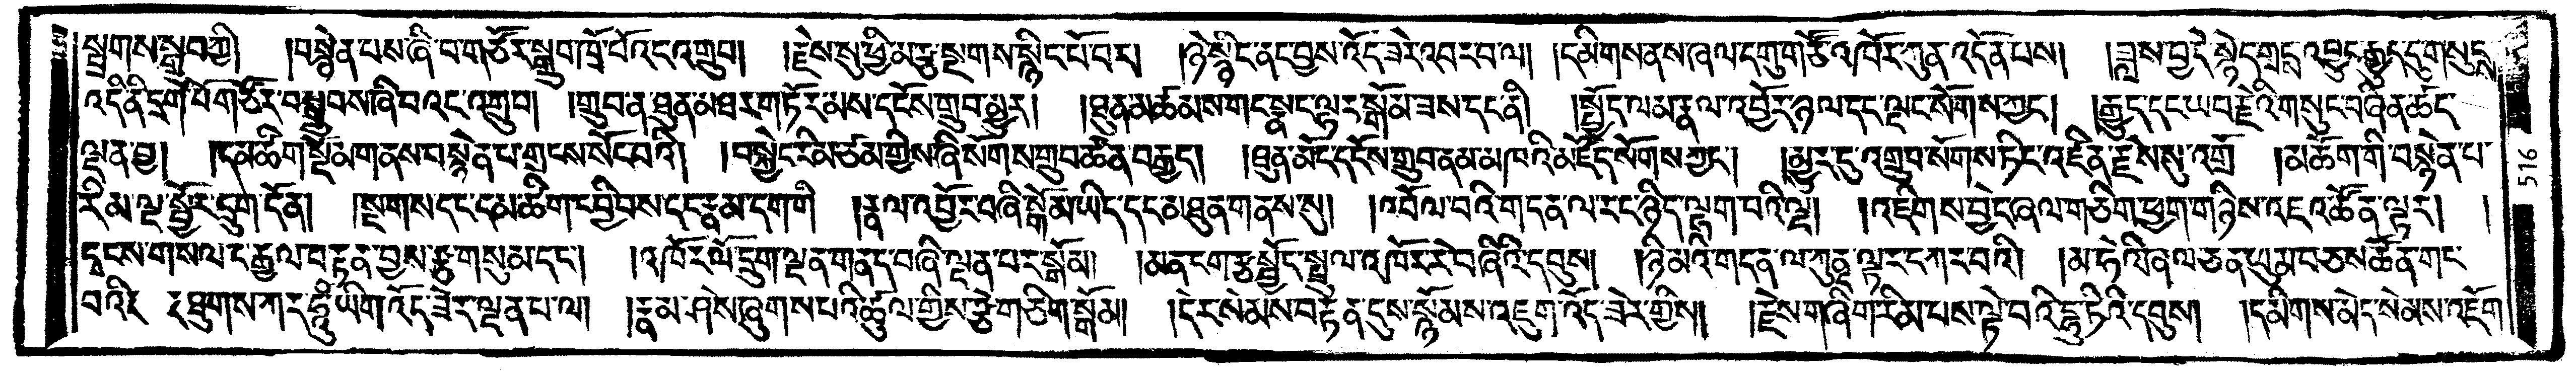སྦྲགས་སྒྲུབ་ཀྱི། །བསྙེན་པས་ཞི་བ་གཙོར་སྒྲུབ་ཁྲོ་བོའང་འགྲུབ། །རྗེས་སུ་ཕྱི་མ་རྩ་སྔགས་སྙིང་པོ་བར། །ཉེ་སྙིང་ནང་བྱས་འོད་ཟེར་འབར་བ་ལ། །དམིགས་ནས་ཞལ་དགུ་གཙོ་འཁོར་ཀུན་འདོན་པས། །ཟླས་བྱ་དེ་སྙེད་གྲངས་འབྱུང་རྒྱུད་དུ་གསུངས་
འདི་ནི་དྲག་པོ་གཙོར་བསྒྲུབས་ཞི་བའང་འགྲུབ། །གྲུབ་ན་ཐུན་མཐར་གཏོར་མས་དངོས་གྲུབ་མྱུར། །ཐུན་མཚམས་གང་སྣང་ལྷར་སྒོམ་ཟས་དང་ནི། །སྤྱོད་ལམ་རྣལ་འབྱོར་ཉལ་དང་ལྡང་སོགས་ཀྱང་། །རྒྱུད་དང་ཡབ་རྗེའི་གསུང་བཞིན་ཚད་
ལྡན་བྱ། །དམ་ཚིག་སྡོམ་གནས་བསྙེན་པ་གྲངས་སོང་བའི། །བསྐྱེད་རིམ་ཙམ་གྱིས་ཞེ་སོགས་གྲུབ་ཚན་བརྒྱད། །ཐུན་མོང་དངོས་གྲུབ་ནམ་མཁའི་མཛོད་སོགས་ཀྱང་། །མྱུར་དུ་འགྲུབ་སོགས་ཏིང་འཛིན་རྗེས་སུ་འགྲོ་།མཆོག་གི་བསྙེན་པ་
རིམ་ལྔ་སྦྱོར་དྲུག་དོན། །སྔགས་དང་དམ་ཚིག་དབྱིབས་དང་རྣམ་དག་གི །རྣལ་འབྱོར་བཞི་སྒོམ་ཡིད་དང་མཐུན་གནས་སུ། །འབོལ་བའི་གདན་ལ་རང་ཉིད་ལྷག་པའི་ལྔ། །འཇིགས་བྱེད་ཞལ་གཅིག་ཕྱག་གཉིས་འཇའ་ཚོན་ལྟར། །
དྭངས་གསལ་ང་རྒྱལ་བརྟན་བྱས་རྩ་གསུམ་དང་། །འཁོར་ལོ་དྲུག་ལྡན་གནད་བཞི་ལྡན་བར་སྒོམ། །མན་ངག་རྩ་སྤྱོད་སྤྲུལ་འཁོར་རེ་བཞིའི་དབུས། །ཉི་མའི་གདན་ལ་ཀུནྡ་ལྟར་དཀར་བའི། །མ་ཧེའི་ཞལ་ཅན་ཡུམ་བཅས་ཚོན་གང་
བའི༑ ༑ཐུགས་ཀར་ཧཱུཾ་ཡིག་འོད་ཟེར་ལྡན་པ་ལ། །རྣམ་ཤེས་ཞུགས་པའི་ཚུལ་གྱིས་རྩེ་གཅིག་སྒོམ། །དེར་སེམས་བརྟན་དུས་སྙོམས་འཇུག་འོད་ཟེར་གྱིས། །རྗེས་གཞིག་རིམ་པས་ལྟེ་བའི་དྷུ་ཏིའི་དབུས། །དམིགས་མེད་སེམས་འཇོག་